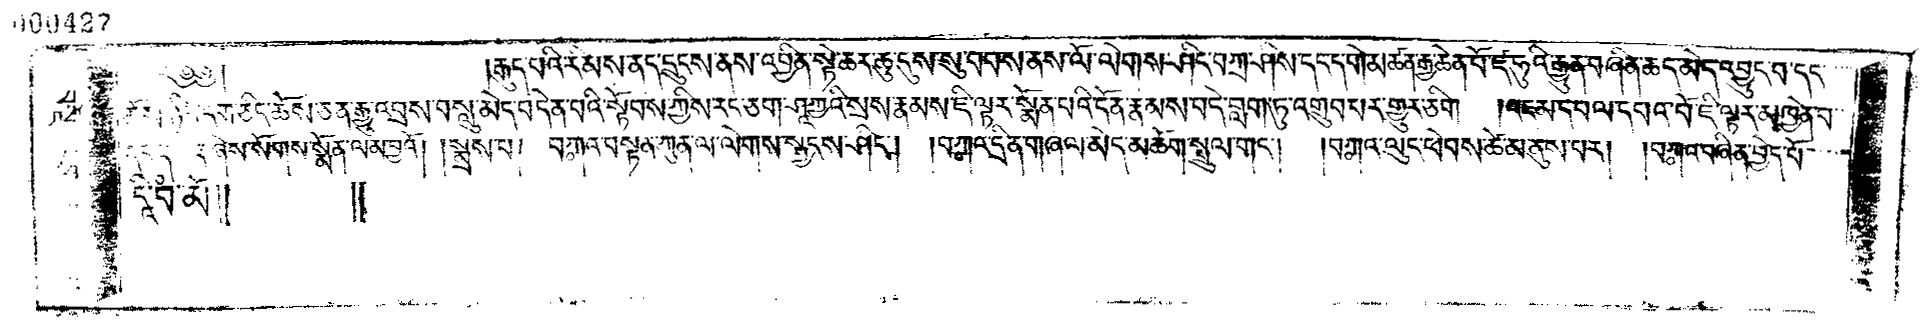༄༅། །རྒུད་པའི་རིམས་ནད་དྲུངས་ནས་འབྱིན་སྟེ་ཆར་ཆུ་དུས་སུ་བབས་ནས་ལོ་ལེགས་ཤིང་བཀྲ་ཤིས་དང་དགེ་མཚན་རྒྱ་ཆེན་པོ་ཛ་ཧུའི་རྒྱུན་བཞིན་ཆད་མེད་འབྱུང་བ་དང་
ཆོས་ཉིད་དག་ཅིང་ཆོས་ཅན་རྒྱུ་འབྲས་བསླུ་མེད་བདེན་པའི་སྟོབས་ཀྱིས་རང་ཅག་ཤཱཀྱའི་སྲས་རྣམས་ཇི་ལྟར་སྨོན་པའི་དོན་རྣམས་བདེ་བླག་ཏུ་འགྲུབ་པར་གྱུར་ཅིག །འཇམ་དཔལ་དཔའ་བོ་ཇི་ལྟར་མཁྱེན་པ་
དང་། །ཞེས་སོགས་སྨོན་ལམ་བྱའོ། །སྨྲས་པ། བཀའ྾་བསྟན་ཀུན་ལ་ལེགས་སྦྱངས་ཤིང་། །བཀའ྾་དྲིན་གཞལ་མེད་མཆོག་སྤྲུལ་གང་། །བཀའ྾་ལུང་ཕེབས་ཚེ་མ་ནུས་པར། །བཀའ྾་བཞིན་བྱེད་པོ་
དཱི་བཾ་མོ།། །།